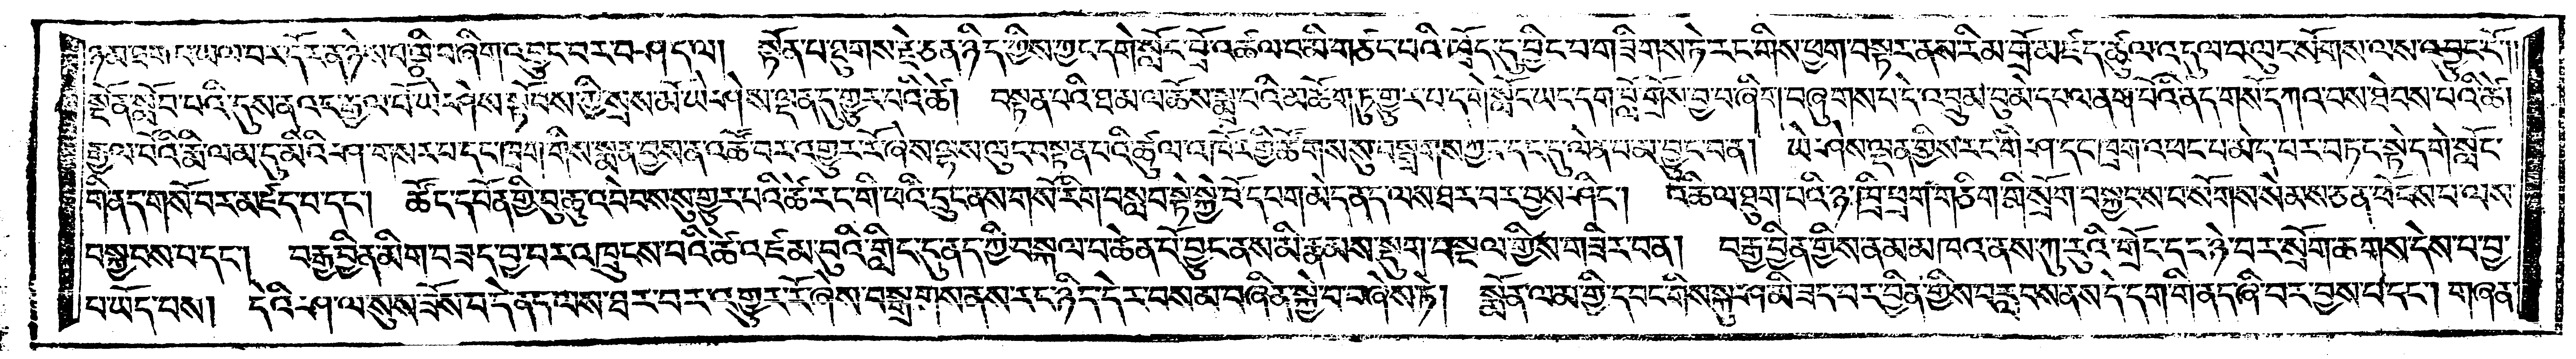ཉམ་ཐག་པ་ཡལ་བར་དོར་ན་ཉེས་བླྕི་བཞིག་འབྱུང་གར་བཤད་ལ། སྟོན་པ་ཐུགས་རྗེ་ཅན་ཉིད་ཀྱིས་ཀྱང་དགེ་སློང་བྲོ་འཚལ་བ་མི་གཙང་བའི་ཁྲོད་དུ་བྱིང་བྱ་གཟིགས་ཏེ་རང་གིས་ཕྱག་བསྟར་ནས་རིམ་གྲོ་མཛད་ཚུལ་འདུལ་བ་ལུང་སོགས་ལས་འབྱུང་ངོ།།
སྔོན་སློབ་པའི་དུས་ནའང་རྒྱལ་པོ་ཡེ་ཤེས་སྟོབས་ཀྱི་སྲས་མོ་ཡེ་ཤེས་ལྡན་དུ་གྱུར་བའི་ཚེ། བསྟན་པའི་ཐ་མ་ལ་ཆོས་སྨྲ་བའི་མཆོག་ཏུ་གྱུར་བ་དགེ་སློང་ཡང་དག་བློ་གྲོས་བྱ་བ་ཞིག་བཞུགས་པ་དེ་འབྲུམ་བུ་མེ་དཔའ་ནག་བོའི་ནད་གསོ་དཀའ་བས་ཐེབས་བའི་ཚེ།
རྒྱལ་བོའི་རྨི་ལམ་དུ་མིའི་ཤ་གསར་པ་དང་ཁྲག་གིས་སྨན་བྱས་ན་འཚོ་བར་འགྱུར་རོ་ཞེས་ལྷས་ལུང་བསྟན་པའི་ཚུལ་འཁོར་གྱི་ཚོགས་སུ་བསྒྲགས་ཀྱང་དང་དུ་ལེན་པ་མ་བྱུང་བ་ན། ཡེ་ཤེས་ལྡན་གྱིས་རང་གི་ཤ་དང་ཁྲག་འཕང་པ་མེད་པར་བཏང་སྟེ་དགེ་སློང་
གི་ནད་གསོ་བར་མཛད་བ་དང་། ཚོང་དབོན་གྱི་བུ་ཆུ་འབེབས་སུ་གྱུར་བའི་ཚོ་རང་གི་ཕའི་དྲུང་ནས་གསོ་རིག་བསླབ་སྟེ་སྐྱེ་བོ་དཔག་མེད་ནད་ལས་ཐར་བར་བྱས་ཤིང་། འཆི?་ལ་ཐུག་བའི་ཉ་ཁྲི་ཕྲག་གཅིག་གི་སྲོག་བསྐྱབས་བ་སོགས་སེམས་ཅན་ཕོངས་བ་ལས་
བསྐྱབས་པ་དང་། བརྒྱ་བྱིན་མིག་བཟད་བྱ་བར་འཁྲུངས་བའི་ཚེ་འཛམ་བུའི་གླིང་དུ་ནད་ཀྱི་བསྐལ་བ་ཆེན་བོ་བྱུང་ནས་མི་རྣམས་སྡུག་བསྔལ་གྱིས་གཟིར་བ་ན། བརྒྱུ་བྱིན་གྱིས་ནམ་མཁའ་ནས་ཀུ་རུའི་གྲོང་དང་ཉེ་བར་སྲོག་ཆགས་དེས་བ་བྱ་
བ་ཡོད་བས། དེའི་ཤ་ལ་སུས་ཟོས་བ་དེ་ནད་ལས་ཐུར་བར་འགྱུར་རོ་ཞེས་བསྒྲགས་ནས་རང་ཉིད་དེར་བསམ་བཞིན་སྐྱེ་བ་བཞེས་ཏེ། སྨོན་ལམ་གྱི་དབང་གིས་སྐུ་ཤ་མི་ཟད་པར་བྱིན་གྱིས་བརླབས་ནས་དེ་དག་གི་ནད་ཞི་བར་བྱས་བ་དང་། གཞན་